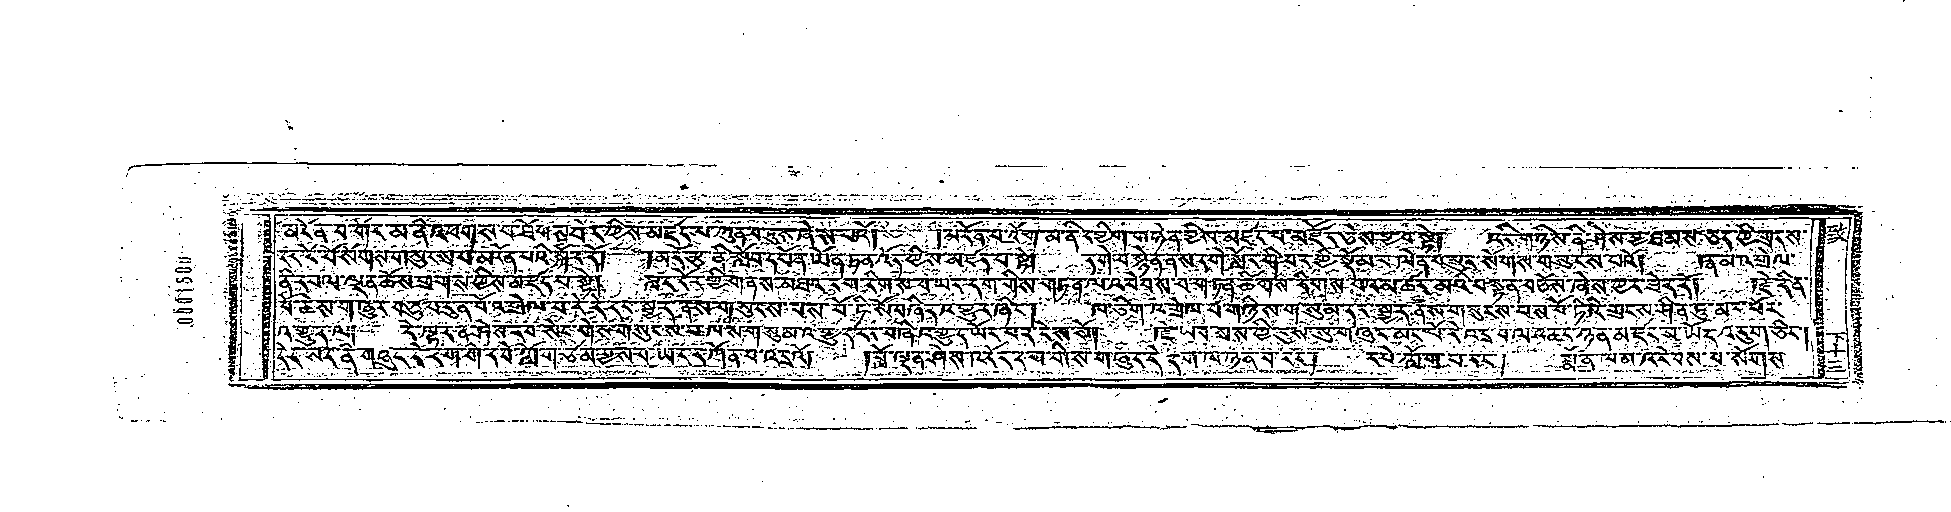མངོན་པ་གོང་མ་ནི་འཕགས་པ་ཐོགས་མེད་ཀྱིས་མཛད་པ་ཀུན་བཏུས་ཞེས་པའོ། །མདོན་པ་འོག་མ་ནི་དབྱིག་གཉེན་གྱིས་མཛད་པ་མཛོད་ཅེས་བྱ་བ་སྟེ། འདི་གཉིས་ནི་ཤེས་བྱ་ཐམས་ཅད་ཀྱི་གྲངས་
དང་ངོ་བོ་སོགས་གསུངས་པ་མངོན་པའི་སྐོར་རོ། །མདོ་རྩ་ནི་སློབ་དཔོན་ཡོན་ཏན་འོད་ཀྱིས་མཛད་པ་སྟེ། དགེ་བསྙེན་ནས་དགེ་སློང་གི་བར་གྱི་སྡོམ་པ་ལེན་བསྲུང་སོགས་གསུངས་པའོ། །རྣམ་འགྲེལ་
ནི་དཔལ་ལྡན་ཆོས་གྲགས་ཀྱིས་མཛད་པ་སྟེ། བླང་དོར་གྱི་གནས་མཐའ་དག་རིགས་པ་ཡང་དག་གིས་གཏན་ལ་འབེབས་བ་གཏན་ཚིགས་རིགས་པའམ་ཚང་མའི་བསྟན་བཅོས་ཞེས་ཀྱང་ཟེར་རོ། །རྗེ་རིན་
པོ་ཆེས་གཞུང་བཅུ་བདུན་པོ་འགྲེལ་པ་རེ་རེ་དང་སྦྱར་ནས་གསུངས་པས་པོ་ཏི་སོ་བཞིར་འགྱུར་ཞིང་། ཁ་ཅིག་འགྲེལ་པ་གཉིས་གསུམ་དང་སྦྱར་ནས་གསུངས་པས་པོ་ཏིའི་གྲངས་ཤིན་ཏུ་མང་པོར་
འགྱུར་ལ། དེ་ལྟར་ན་ཤེས་རབ་སེང་གེས་གསུངས་པ་ལས་གསུམ་འགྱུར་དང་བཞི་འགྱུར་ཡོད་པར་ངེས་སོ། །རྗེ་ཡབ་སྲས་ཀྱི་དུས་སུ་གཞུང་མང་པོ་དེ་འདྲ་བ་ལ་འཆང་ཉན་མཛད་པ་ཡོད་འདུག་ཅིང་།
དེར་སང་ནི་གཞུང་དེ་དག་གི་དཔེ་ཀློག་ཙམ་བྱས་བ་ཡང་དཀོན་པ་འདྲའོ། །བློ་ལྡན་ཤེས་འདོད་དག་གིས་གཞུང་དེ་དག་ལ་ཉན་བ་དང་། དཔེ་ཀློག་པ་དང་། སྨོན་ལམ་འདེབས་པ་སོགས་